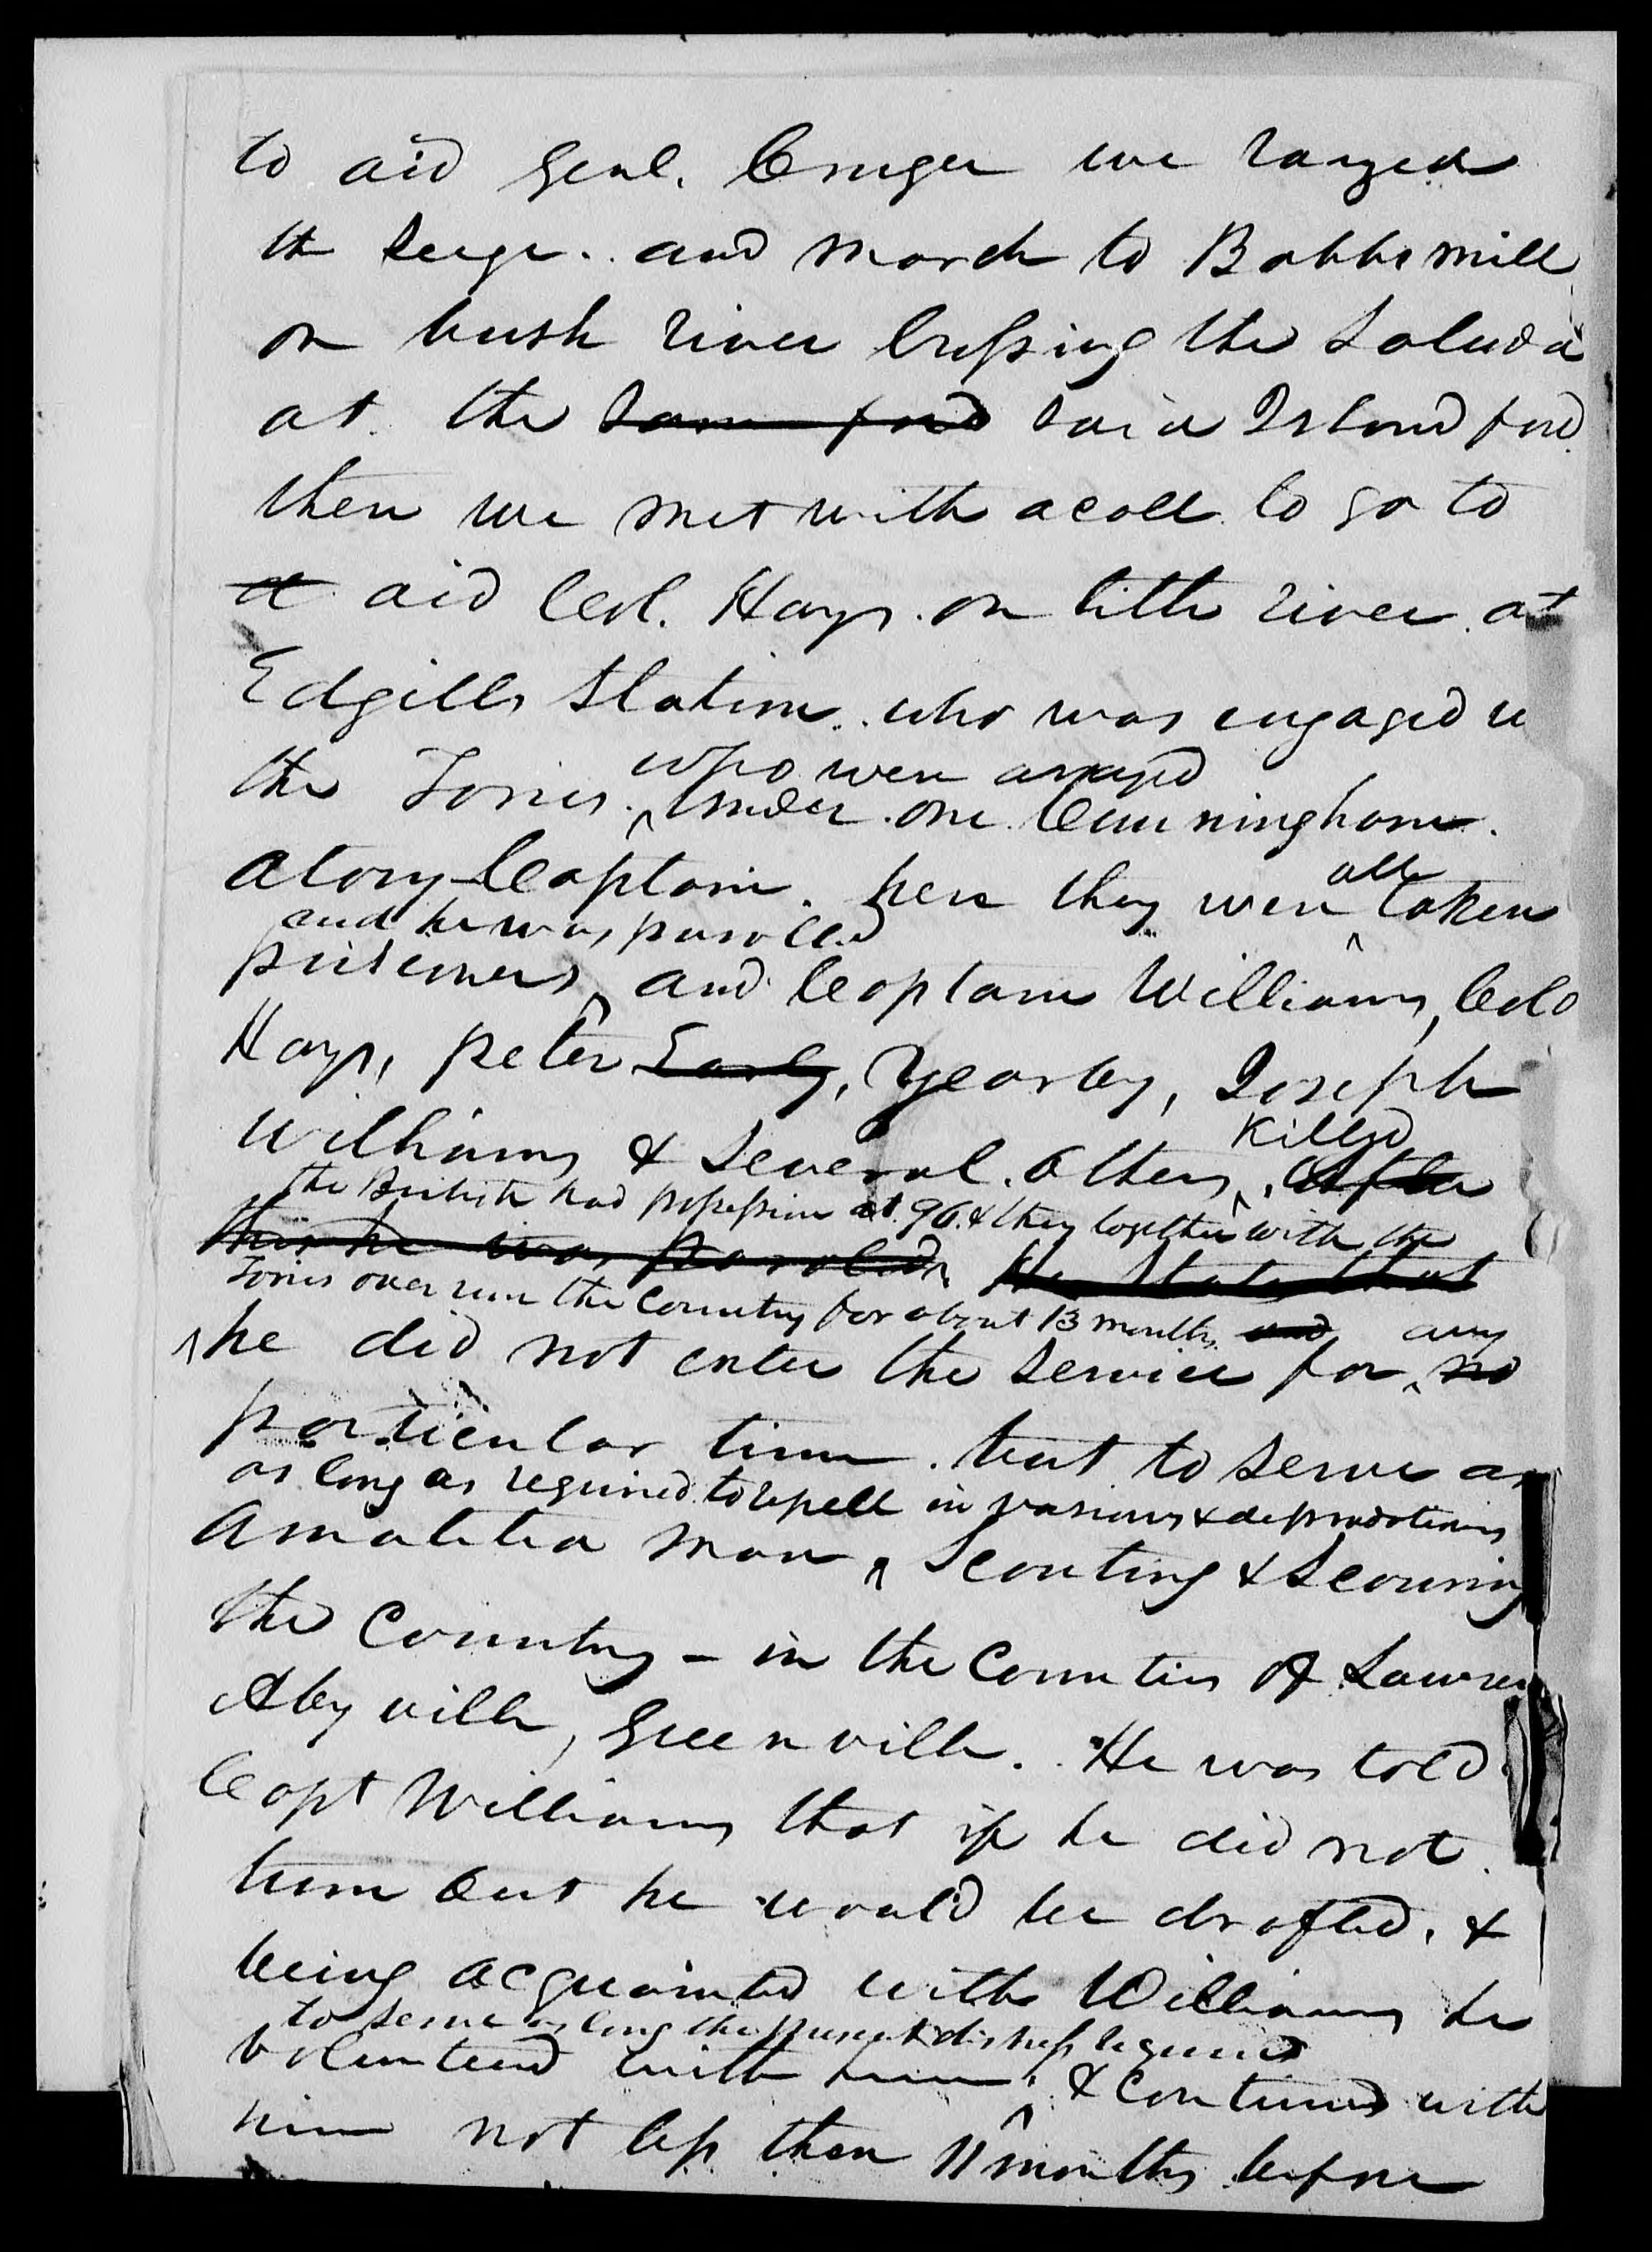arrived that [Lord] Rawdon  was coming to aid Genl [John Harris] Cruger we raised the Siege and marched to Babb's Mill on Bush River crossing the Saluda [River] at the said Island ford then we met with a call to go to the aid of Col. [Joseph Hayes] Hays on Little River at Edgill [Edgehill] Station  who was engaged with the Tories who were arrayed under one [Major William] Cunningham a Tory captain. Here they were all taken prisoner and he was paroled and Captain [Daniel] Williams, Col. Hayes, Peter Yearley, Joseph Wilkins, & Several others killed. The British had possession at 96 & they together with the Tories over ran the Country for about 13 months. he did not enter the service for any particular time,  but to serve as a Militia man as long as required to repel in various & depredations Scouting and Scouring the Country in the Counties of Lawrence [Laurens], Abbeville, Greenville. He was told by Capt Williams that if he did not turn out he would be drafted & being acquainted with Williams he volunteered to serve as long as the present distress required & continued with him not less than 11 months  before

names: Joseph Williams; [BLANK] Hay; Peter Yearby; [BLANK] Williams; [BLANK] Conger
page: 5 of 43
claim: rejected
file: R. 8217, for Thomas Philpot, South Carolina